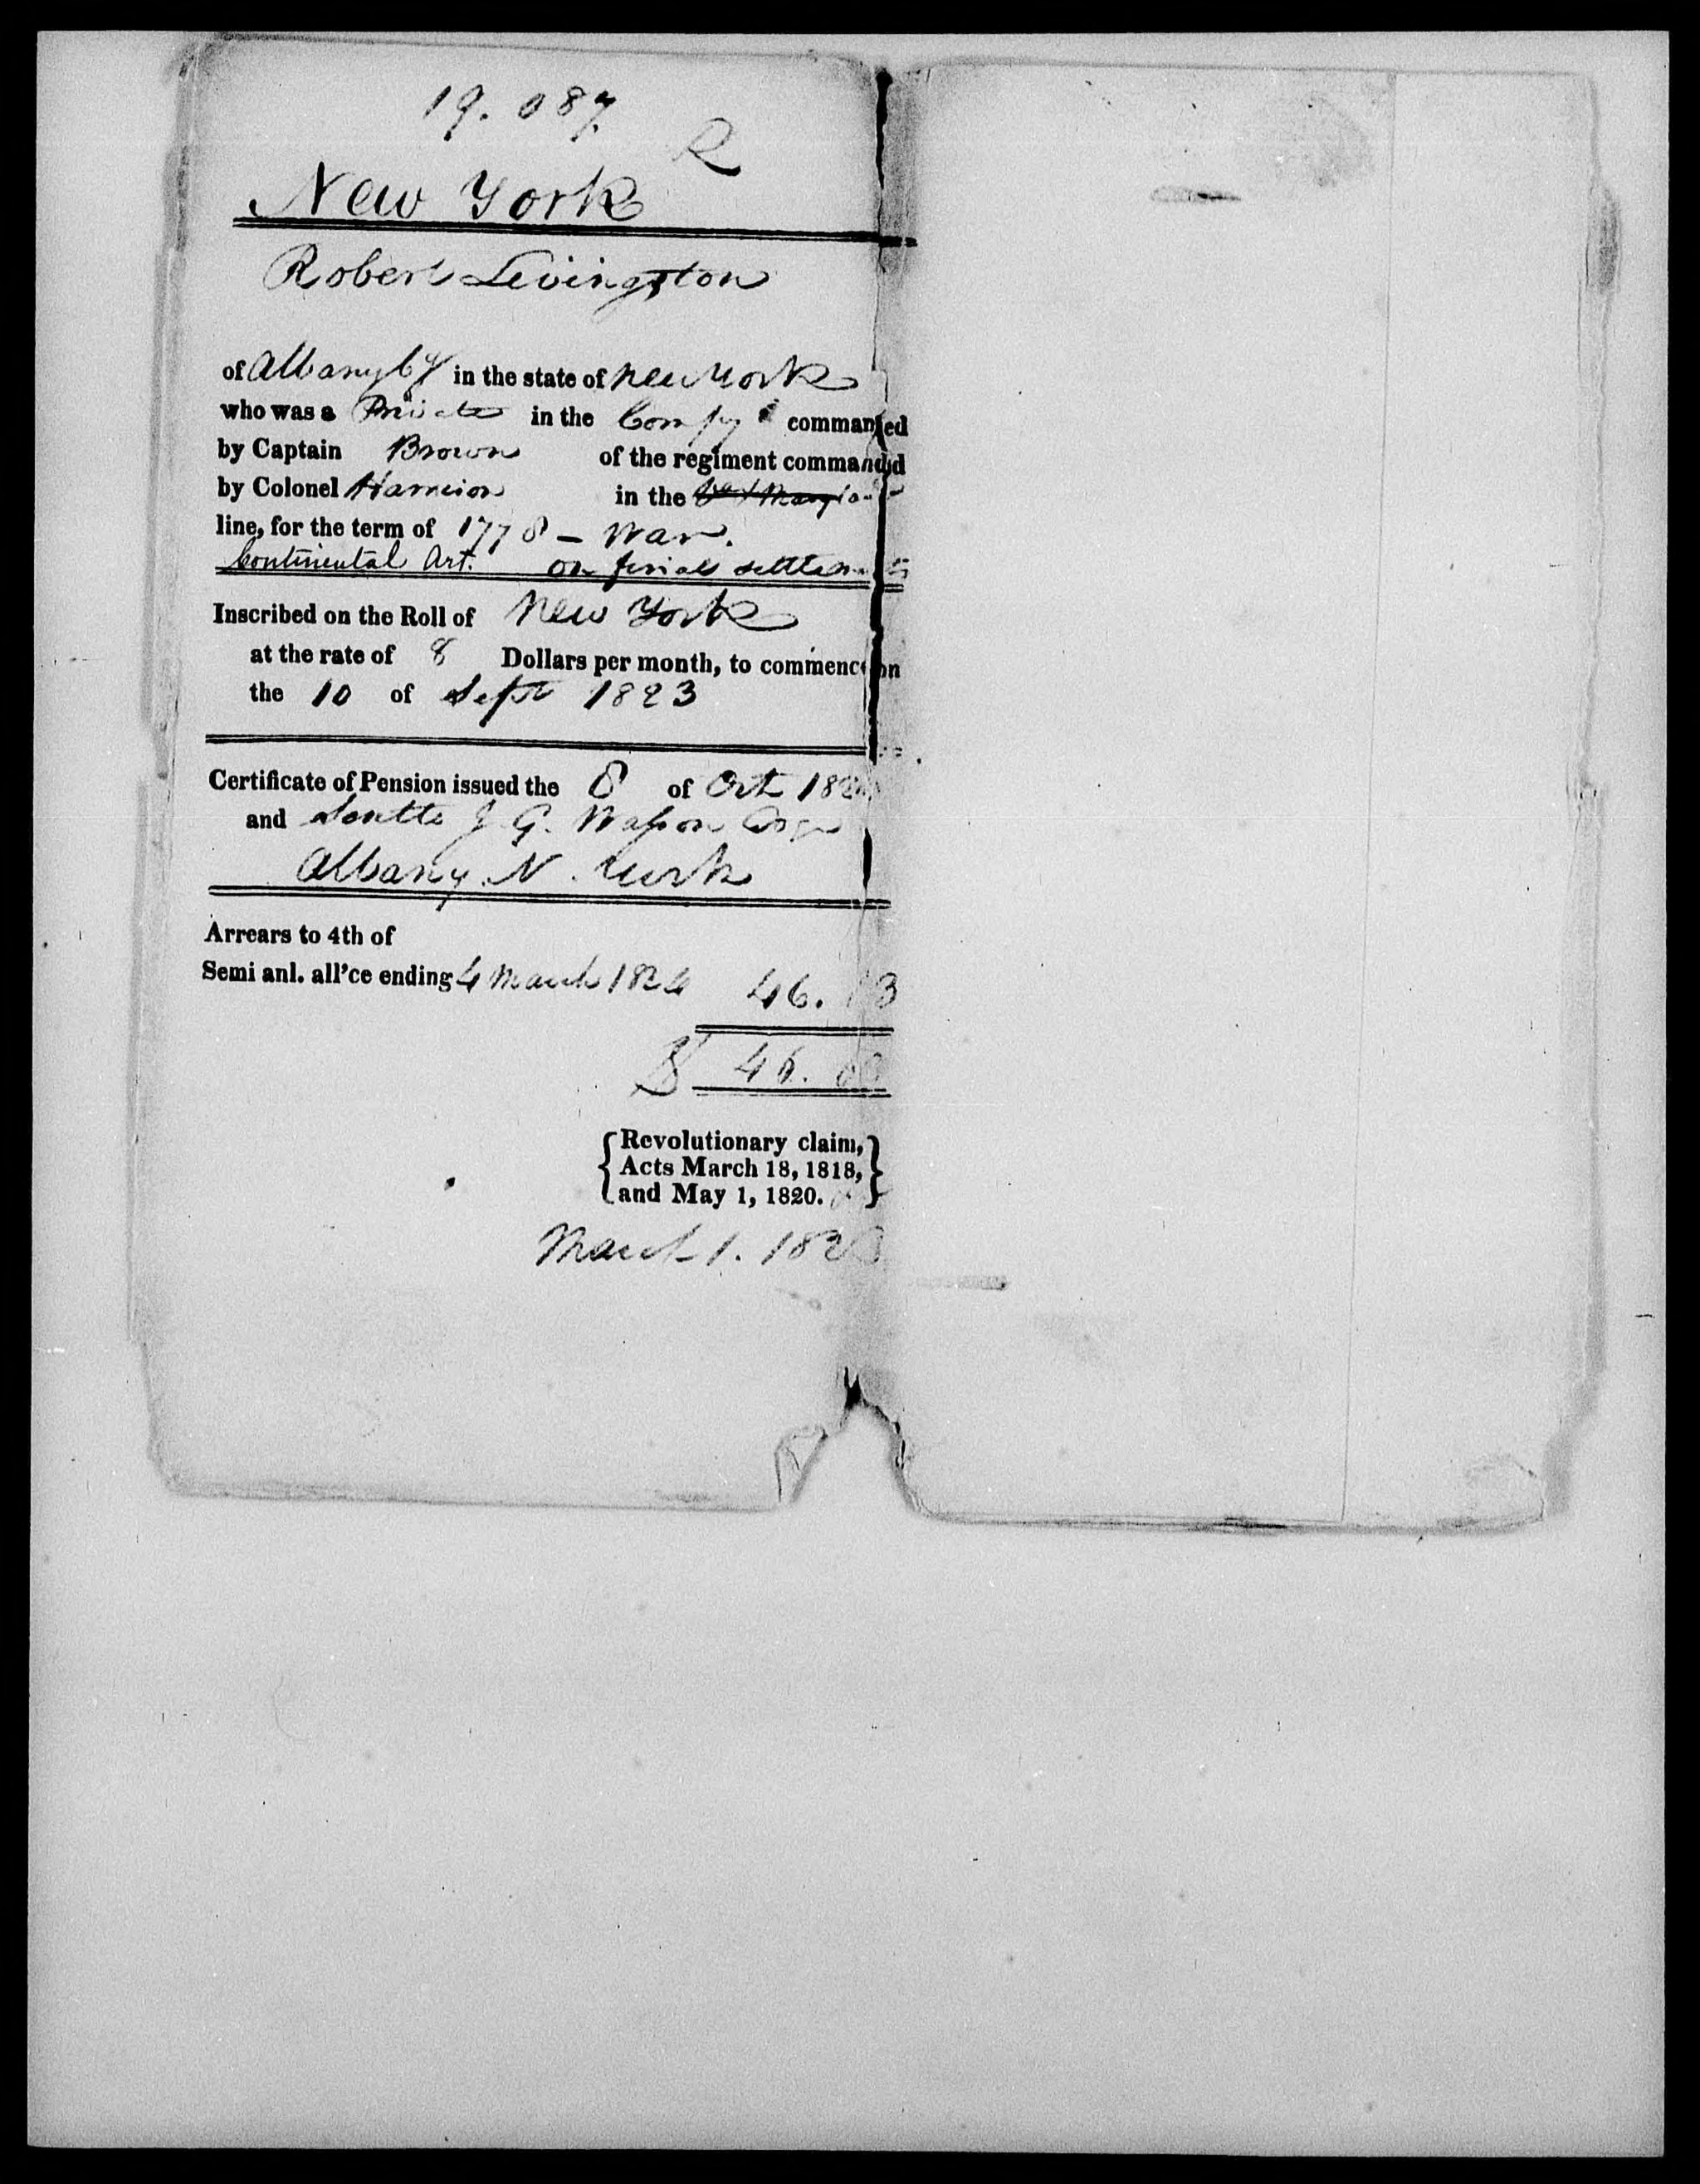19087
New York
Robert Livingston

of Albany County in the state of New York who was a private in the company commanded by Captain Brown of the regiment commanded by Colone Harrison in the Maryland line for the term of 1780 - War Continental Art on final settlement

Inscribed on the roll of New York at the rate of 8 dollars per month to commence on the 10 of Sept 1823

Certificate of Pension issued the 8 of Oct 1823 and sent to J.G. Wasson Esqr Albany N. York

Arrears to 4th of
Semi anl. all'ce ending 4 March 1836 $46.13
$46.13

{Revolutionary Claim Acts March 18, 1818 and May 1, 1820}

March 1, 1823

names: [BLANK] Brown; J G Wasson; [BLANK] Harrison; Robert Livingston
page: 2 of 23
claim: survivor's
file: S 42874, for Robert Livingston, Maryland